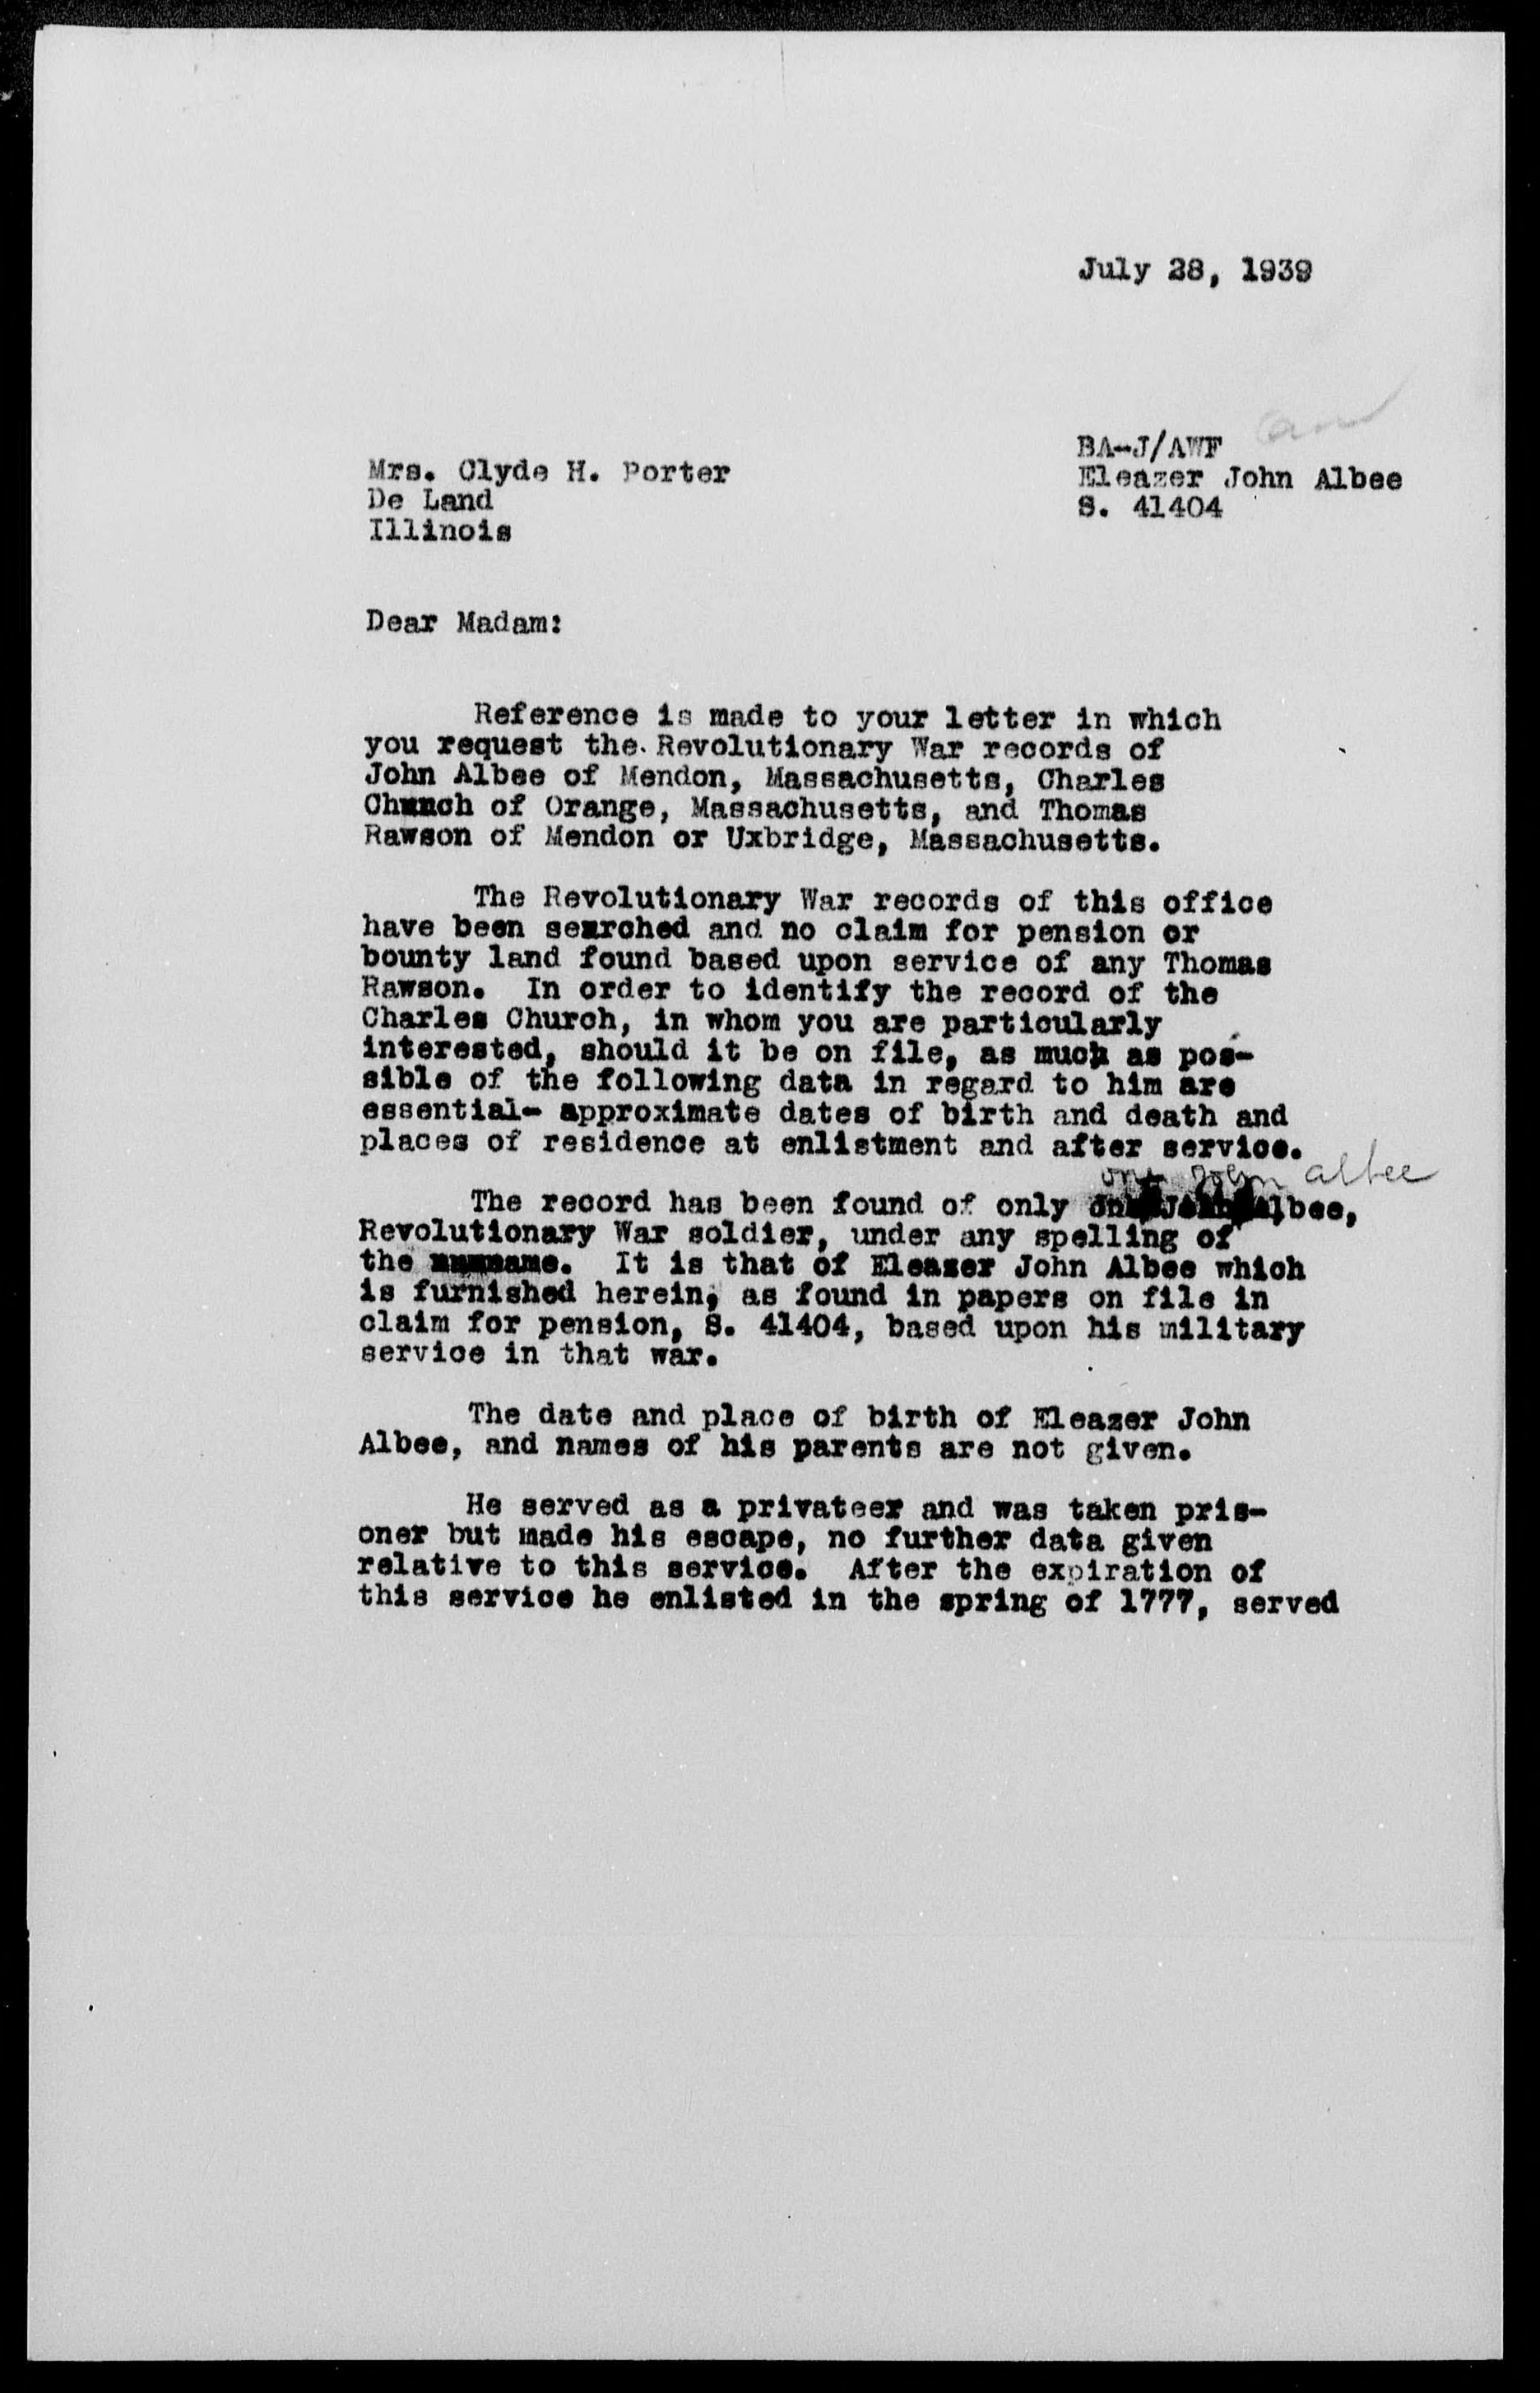July 28, 1939


BA-J/AWF
Eleazer John Albee
S. 41404


Mrs. Clyde H. Porter
De Land
Illinois


Dear Madam:

Reference is made to your letter in which you request the Revolutionary War records of John Albee of Mendon, Massachusetts, Charles Church of Orange, Massachusetts, and Thomas Rawson of Mendon or Uxbridge, Massachusetts.

The Revolutionary War records of this office have been searched and no claim for pension or bounty land found based upon service of any Thomas Rawson. In order to identify the record of the Charles Church, in whom you are particularly interested, should it be on file, as much as possible of the following data in regard to him are essential - approximate dates of birth and death places of residence at enlistment and after services.

The record has been found of only on John Albee Revolutionary War soldier, under any spelling of the name.  It is that of Eleazer John Albee which is furnished herein, as found in papers in file in claim for pension, S.41404, based upon his military service in that war.

The date and place of birth of Eleazer John Albee, and names of his parents are not given.

He served as a privateer and was taken prisoner but made his escape, no further data given relative to this service. After the expiration of this service he enlisted in the spring of 1777, served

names: Clyde H Porter, Charles Church, John Albee, Eleazer John Albee, Eleazer John Albee, Thomas Rawson, Eleazer John Albee, Charles Church, John Albee, Thomas Rawson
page: 28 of 29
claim: survivor's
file: S 41404, Eleazer John Albee, Mass. Privateer